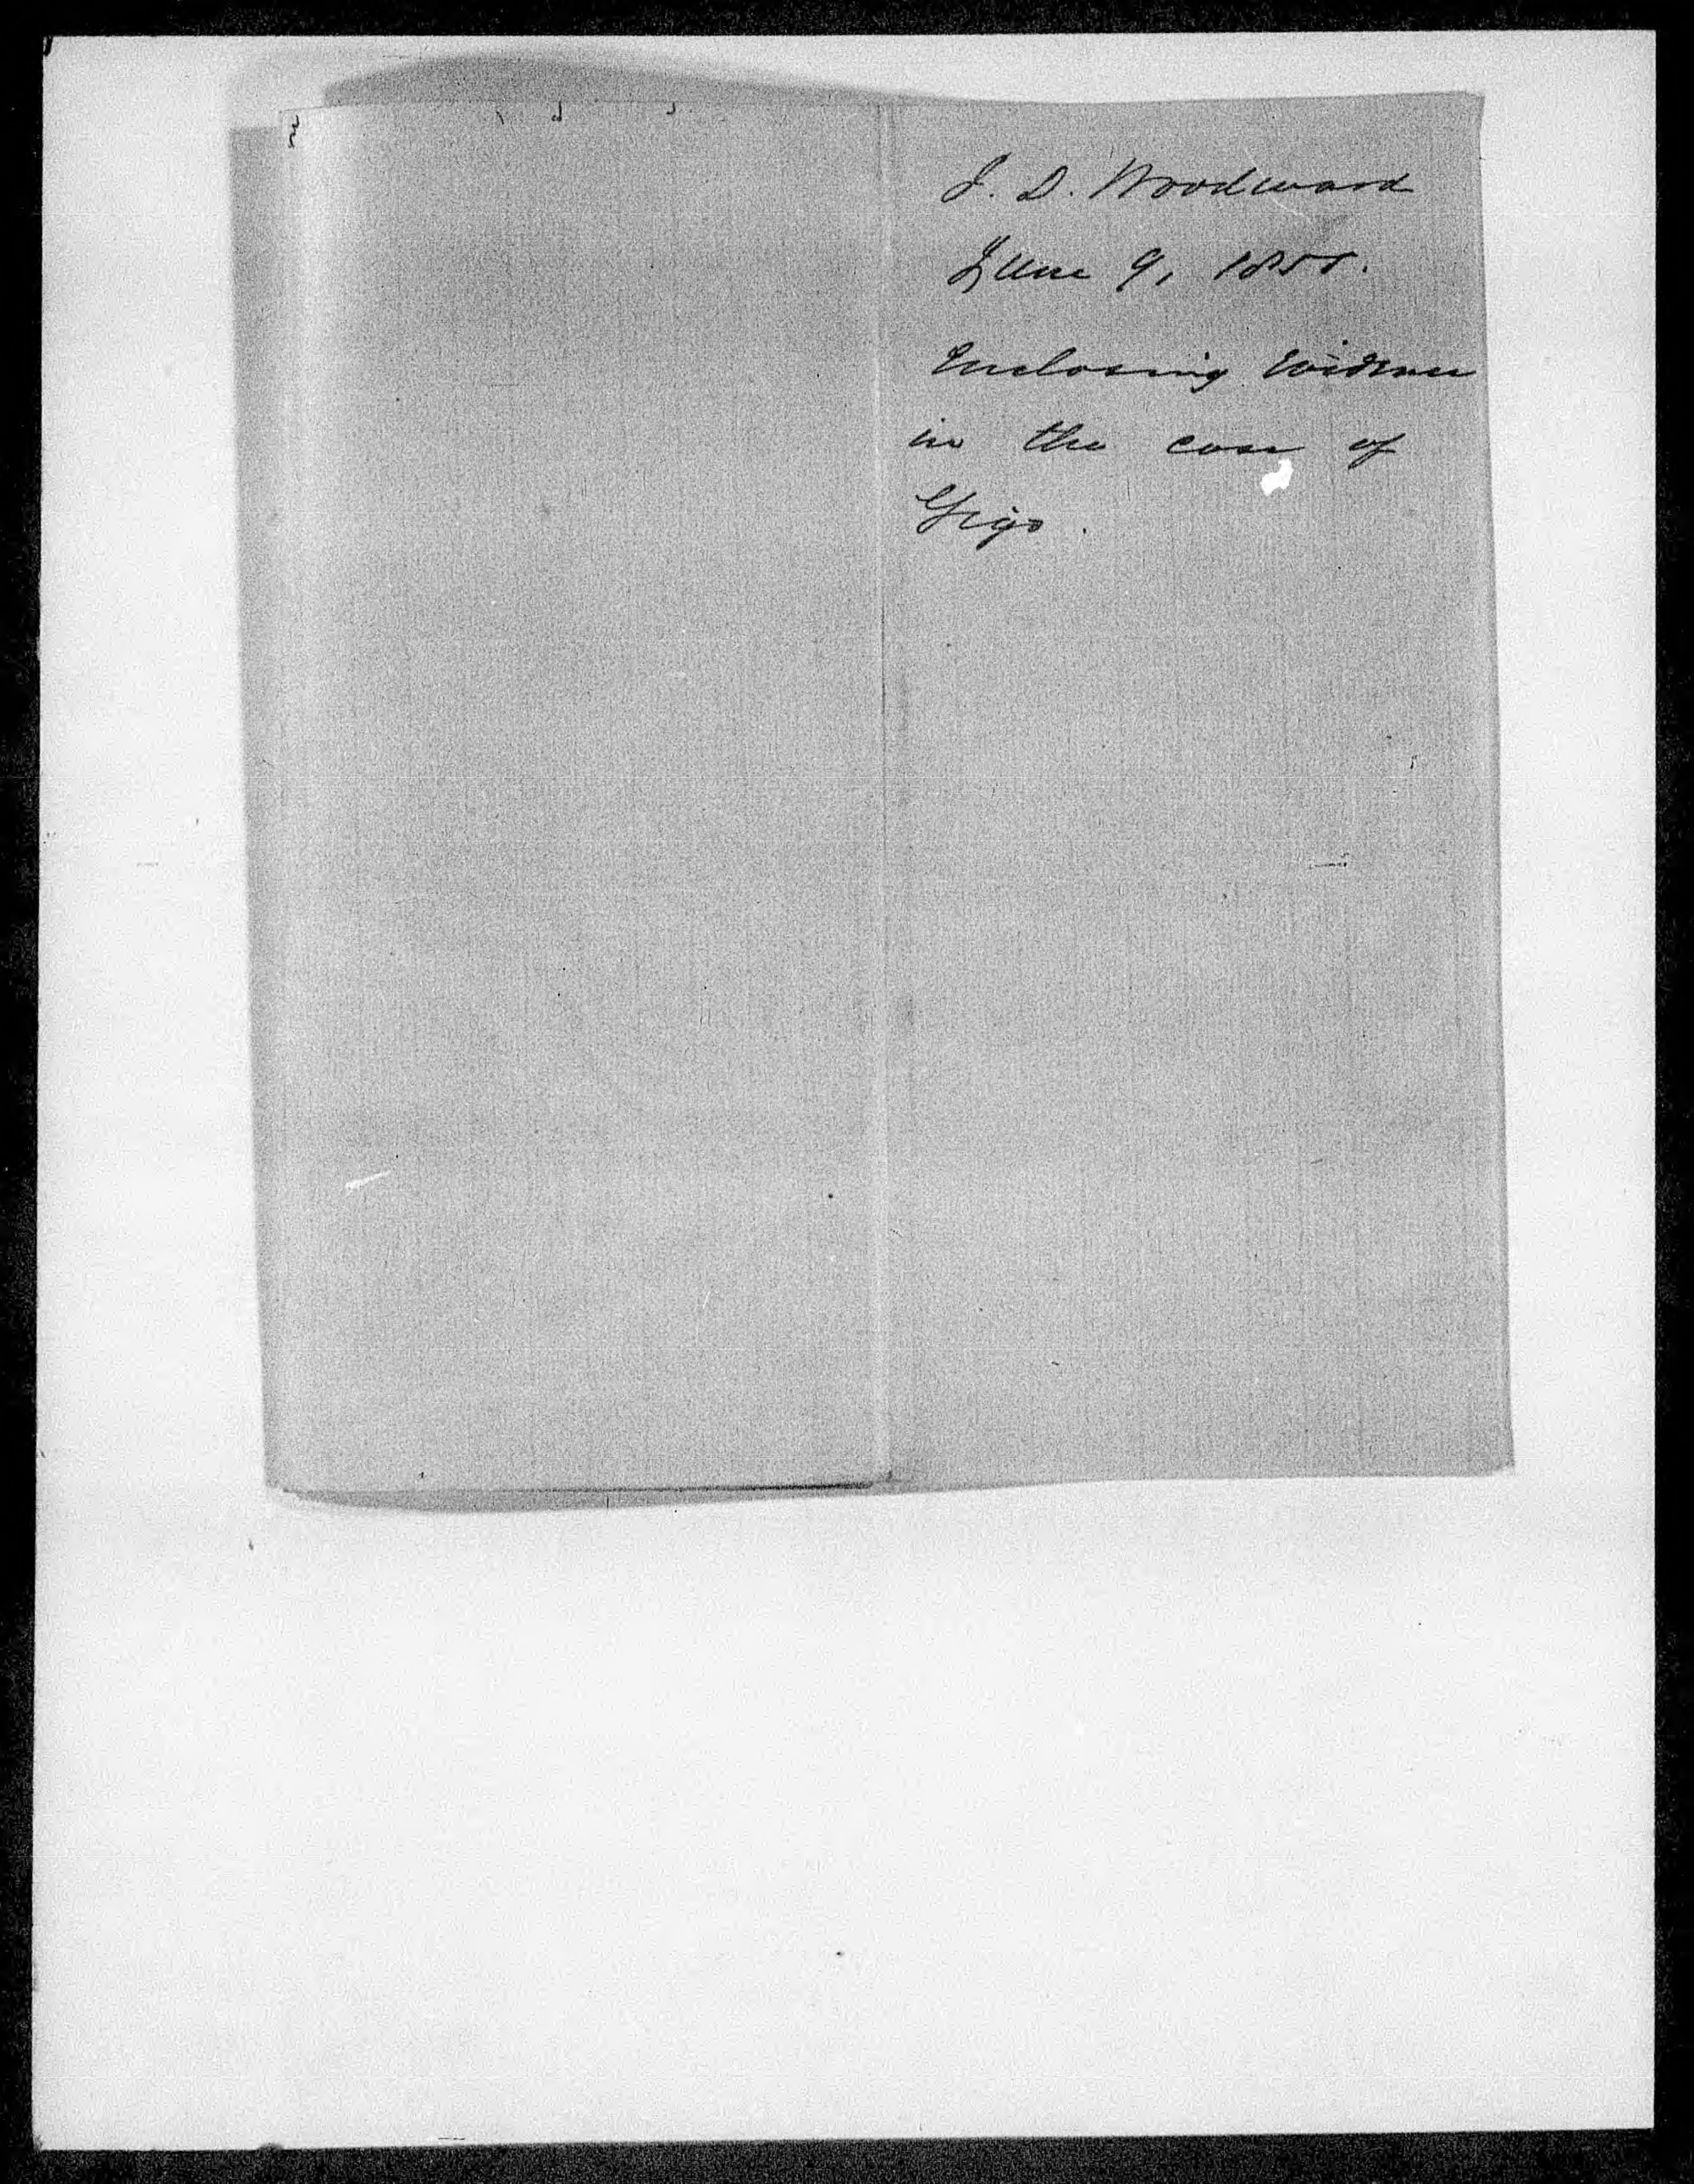J. D. Woodward
June 9, 1858.
Enclosing evidence in the case of Gigo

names: Gigo, J D Woodward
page: 73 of 98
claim: widow's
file: W. 21182, Francis Gigo, Continental (Canadian)